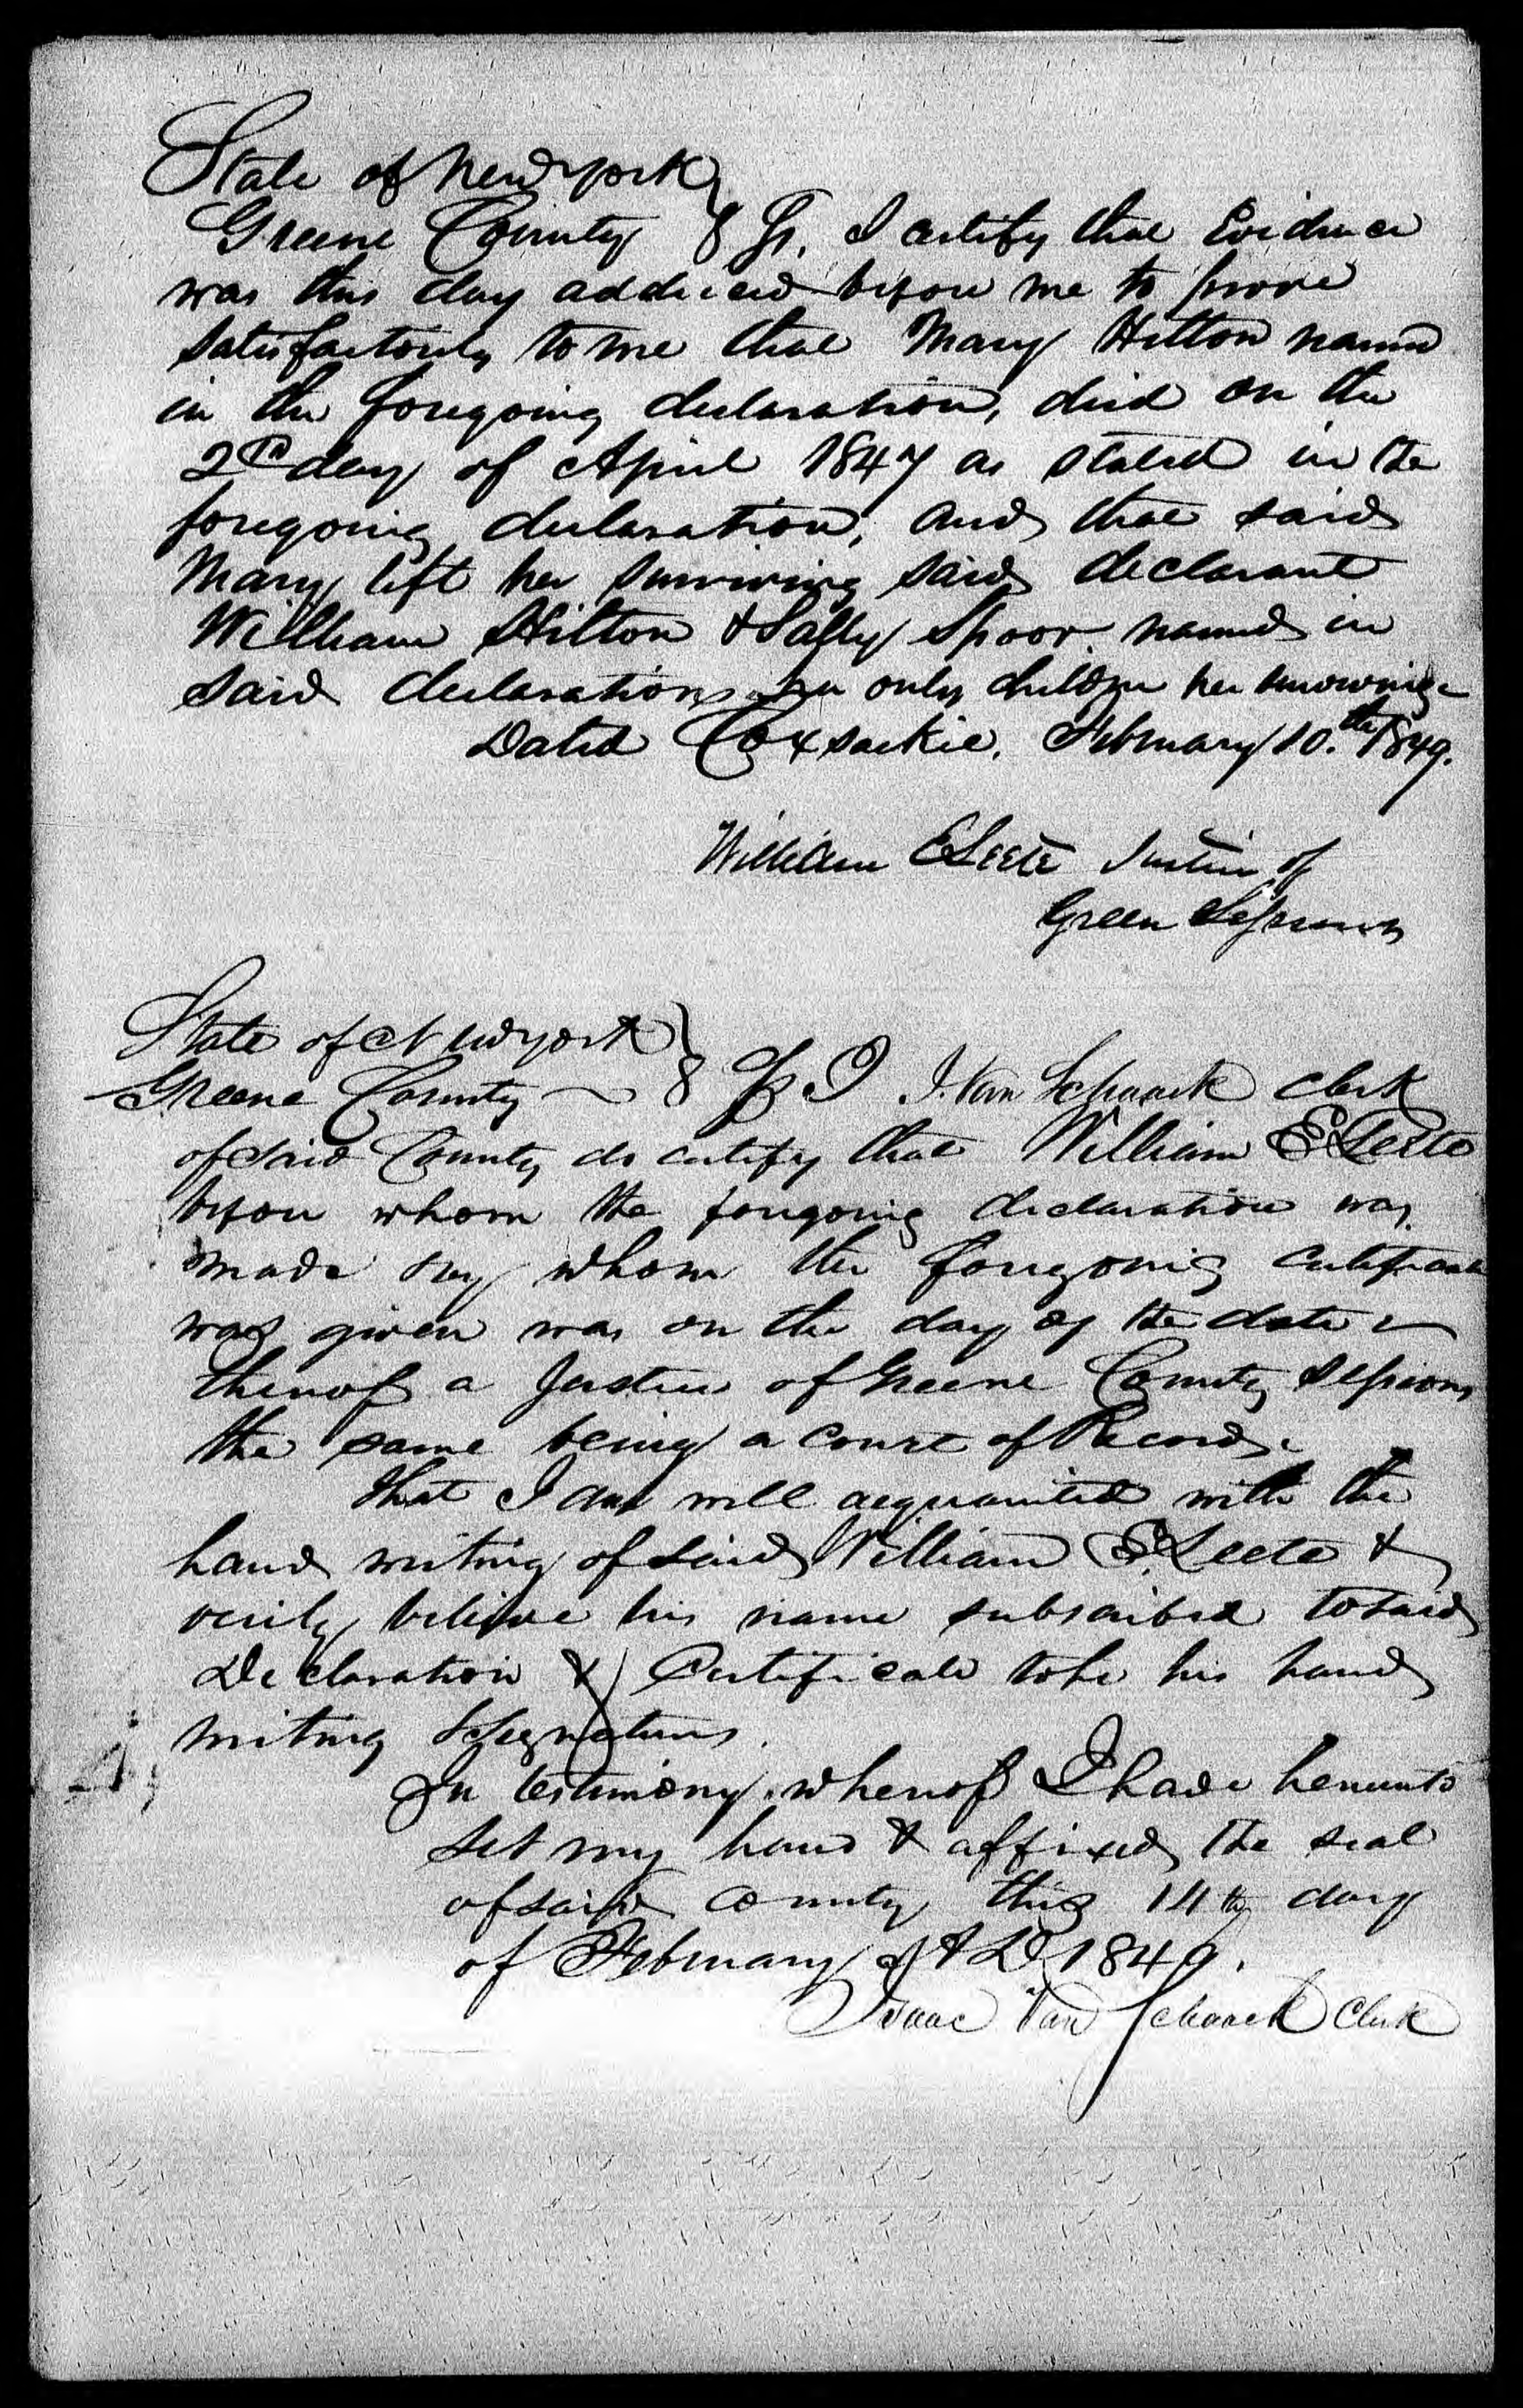State of New York
Greene County I certify that evidence was this day addressed before me to prove satisfactorily to me that Mary Hilton named in this foregoing declaration, died on the 2nd day of April 1847 as stated in the foregoing declaration, and that said Mary left her surviving said declarant William Hilton and Hally Spoon named in said declaration her only children her [illegible] Dated Coxsackie, February 10th 1849.

William E Leete Justice of Green Sessions

State of New York 
Greene County  I. Van Schaack clerk of said county do certify that William E Leete before whom the foregoing declaration was made  may whom the foregoing certificate may given was on the day of the date thereof a Justice of Greene County Sessions the same being a court of Record. That I am well acquainted with the hand writing of said William E Leete and verily believe his name subscribed to said declaration of certificate to be his hand writing signatures. 
In testimony whereof I have hereunto set my hand & affixed the seal of said county this 11th day of February AD 1849
Isaac Van Schaack, Clerk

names: Jn Van Schaack, Isaac Van Schaack, William E Leete, Green Session, William Hilton, Mary Hilton, Mary, William E Leete, William E Leete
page: 13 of 48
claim: widow's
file: W. 19788, Jacob W Hilton, New York